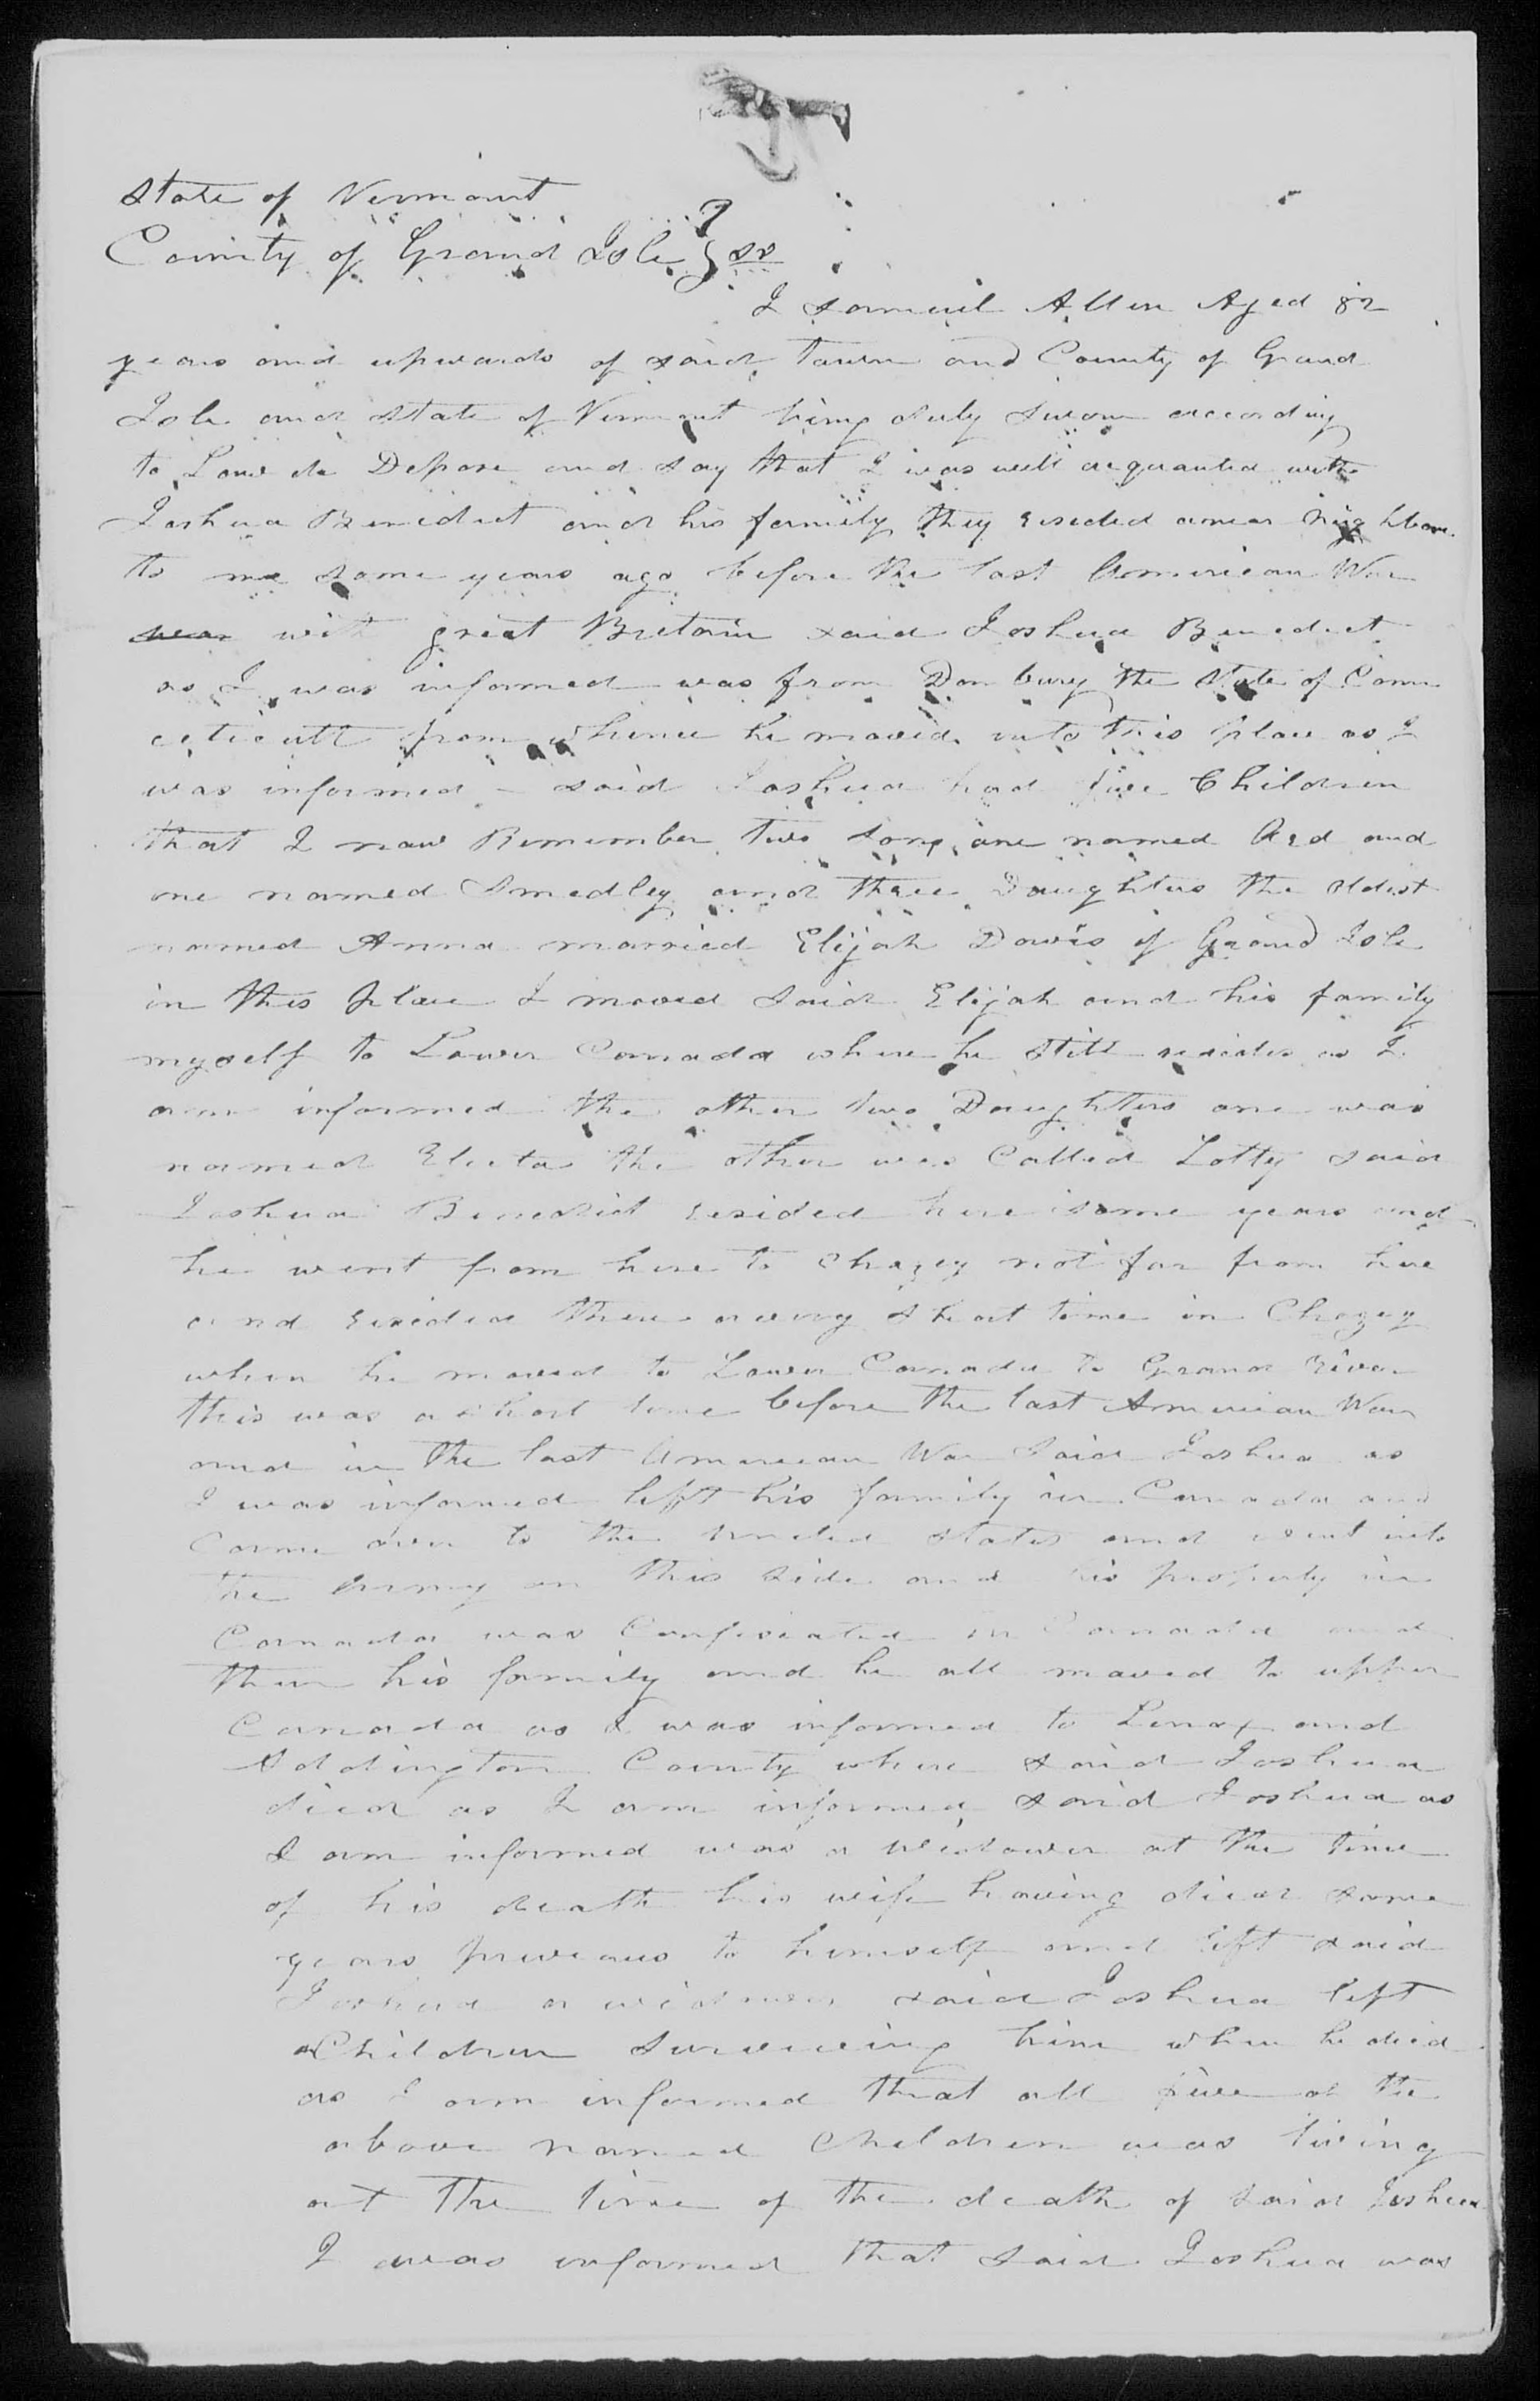State of Vermont
County of Grand Isle } ss
I Samuel Allen Aged 82 years and upwards of said Town and County of Grand Isle and state of Vermont being duly sworn according to Law do Depose and say that I was well acquainted with Joshua Benedict and his family they resided near neighbours to me some years ago before the last American War with great Britain said Joshua Benedict as I was informed was from Danbury the state of Connecticutt [Connecticut] from whence he moved into this place as I was informed. said Joshua had five Children that I now Remember two sons, one named Ard and one named Smedley and three Daughters the oldest named Anna married Elijah Davis of Grand Isle in this place I moved said Elijah and his family myself to Lower Canada where he still resides as I am informed the other two Daughters one was named Electa the other was Called Lotty said Joshua Benedict resided here some years and he went from here to Chazey not far from here and resided there a very short time in Chazey when he moved to Lower Canada to Grand River this was a short time before the last American War and in the last American War said Joshua as I was informed left his family in Canada and Came down to the United States and went in the army on this side and his property in Canada was Confiscated in Canada and then his family and he all moved to upper Canada as I was informed to Lenox [Lennox] and Addington County where said Joshua died as I am informed said Joshua as I am informed was a widower at the time of his death his wife having died some year previous to himself and left said Joshua a widower said Joshua left Children surviving him when he died as I am informed that all five of the above named children was living at the time of the death of said Joshua. I was informed that said Joshua was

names: Joshua, Lotty, Joshua, Samuel Allen, Ard, Elijah Davis, Smedley, Joshua Benedict, Joshua, Joshua, Joshua Benedict, Electa, Joshua Benedict, Joshua, Elijah, Joshua, Anna, Joshua, Joshua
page: 79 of 106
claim: survivor's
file: S 23,116., Joshua Benedict, Conn.